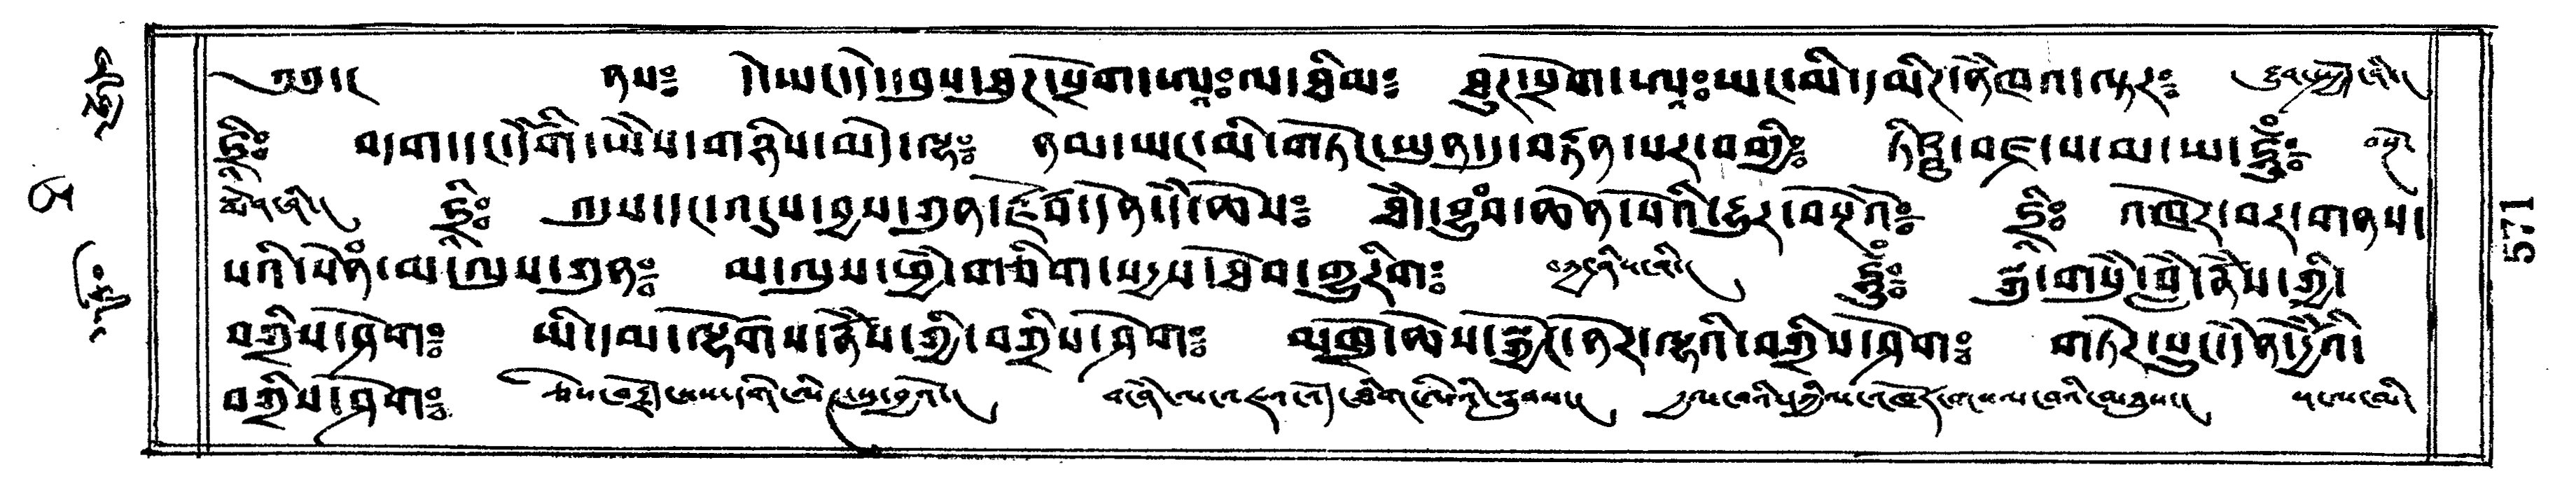ནས༔ དེ་ཡང་དེ་དབུས་ཐུགས་སྲོག་ཨཱཿལ་ཐིམ༔ ཐུགས་སྲོག་ཨཱཿཡང་མི་དམིགས་ནམ་མཁའ་ལྟར༔ རྒྱུན་སྤྱོད་ནི། 
ཧྲཱིཿ བདག་དང་དམ་ཚིག་ཡེ་ཤེས་གཉིས་མེད་ལྷ༔ ནམ་ཡང་མི་གཏོང་ཡུན་དུ་བརྟན་པར་བགྱི༔ ཏིཥྛ་བཛྲ་ས་མ་ཡ་ཧཱུྃ༔ བསྔོ་
སྨོན་ནི། ཧྲཱིཿ འདུས་དང་འདུས་བྱས་ཀུན་རྫོབ་དོན་དམ་ཆོས༔ཐམས་ཅད་བྱང་ཆུབ་ཆེན་པོའི་རྒྱུར་བསྔོའོ༔ ཧྲཱིཿ འཁོར་བར་གནས་
པའི་སེམས་ཅན་མ་ལུས་ཀུན༔ མ་ལུས་ཕྱམ་གཅིག་སངས་རྒྱས་འཐོབ་གྱུར་ཅིག༔ བཀྲ་ཤིས་ནི། ཧཱུྃ༔ སྐུ་གསུམ་བླ་མ་རྣམས་ཀྱི་
བཀྲ་ཤིས་ཤོག༔ ཡི་དམ་ལྷ་ཚོགས་རྣམས་ཀྱི་བཀྲ་ཤིས་ཤོག༔ མཁའ་འགྲོ་ཆོས་སྐྱོང་ནོར་ལྷའི་བཀྲ་ཤིས་ཤོག༔ གཏེར་སྲུང་དམ་ཅན་རྒྱ་མཚོའི་
བཀྲ་ཤིས་ཤོག༔ ཅེས་བརྗོད་པས་དགེ་ལེགས་སུ་བྱའོ། གནམ་ལ་འཇའ་འོད་ཐིག་ལེའི་སྦུབས། །རྒྱལ་བའི་དཀྱིལ་འཁོར་གསལ་བའི་མཐུས། །ས་ལ་མི་